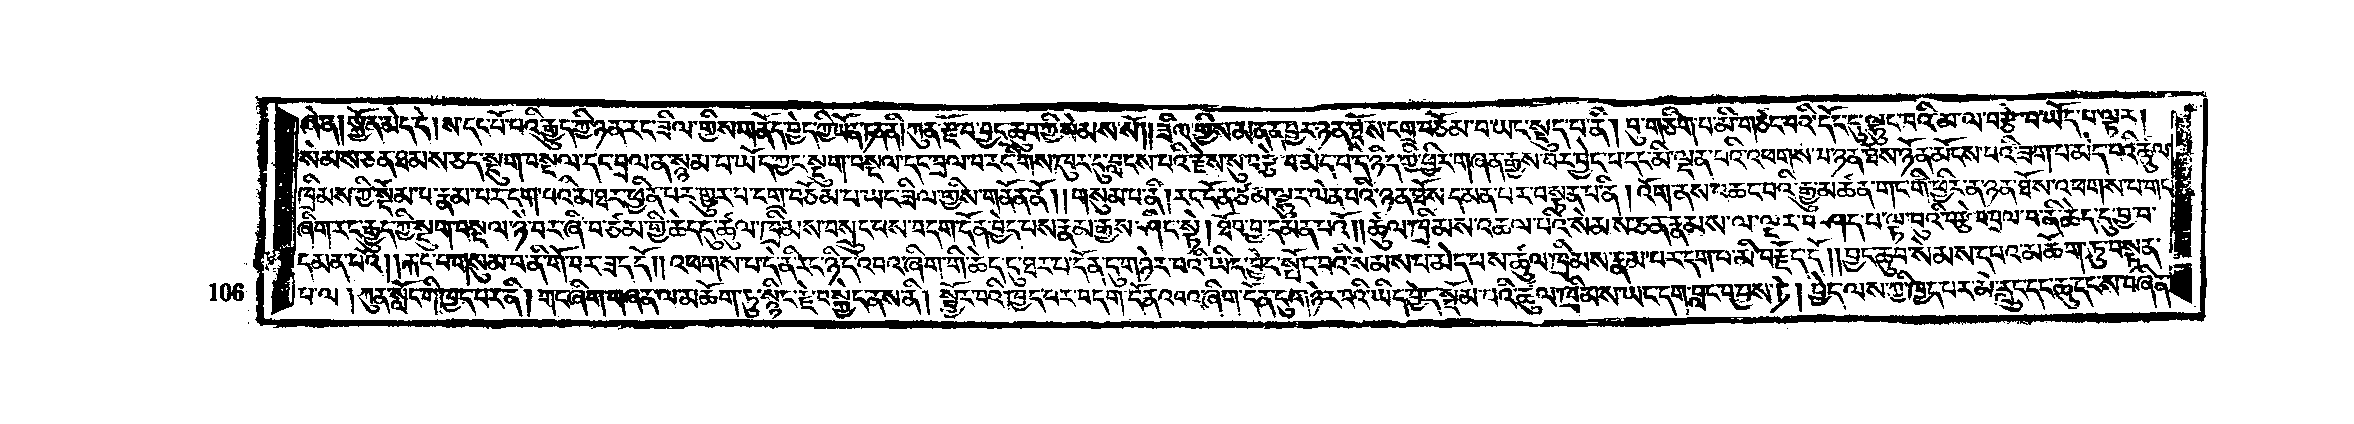ཞེ་ན། སྐྱོན་མེད་དེ། ས་དང་པོ་པའི་རྒྱུད་ཀྱི་ཉན་རང་ཟིལ་གྱིས་གནོད་བྱེད་ཀྱི་ཡོན་ཏན་ནི། ཀུན་རྫོབ་བྱང་ཆུབ་ཀྱི་སེམས་སོ། །ཟིལ་གྱིས་མན་ན་བྱར་ཉན་ཐོས་དགྲ་བཅོམ་པ་ཡང་སྡུད་པ་ནི། བུ་གཅིག་པ་མི་གཙང་བའི་དོང་དུ་ལྷུང་བའི་མ་ལ་བརྩེ་བ་ཡོད་པ་ལྟར།
སེམས་ཅན་ཐམས་ཅད་སྡུག་བསྔལ་དང་བྲལ་ན་སྙམ་པ་ཡོད་ཀྱང་སྡུག་བསྔལ་དང་བྲལ་བ་རང་གིས་ཁུར་དུ་བླངས་པའི་རྗེས་སུ་བརྩེ་བ་མེད་པ་དེ་ཉིད་ཀྱི་ཕྱིར་གཞན་རྒྱས་པར་བྱེད་པ་དང་མི་ལྡན་པའི་འཕགས་པ་ཉན་ཐོས་ཉོན་མོངས་པའི་ཟག་པ་མེད་པའི་ཚུལ་
ཁྲིམས་ཀྱི་སྡོམ་པ་རྣམ་པར་དག་པའི་མཐར་ཕྱིན་པར་གྱུར་པ་དགྲ་བཅོམ་པ་ཡང་ཟིལ་གྱིས་གནོན་ནོ། །གསུམ་པ་ནི། རང་དོན་ཙམ་ལྷུར་ལེན་པའི་ཉན་ཐོས་དམན་པར་བསྟན་པ་ནི། འོག་ནས་འཆང་པའི་རྒྱུ་མཚན་གང་གི་ཕྱིར་ན་ཉན་ཐོས་འཕགས་པ་གང་
ཞིག་རང་རྒྱུད་ཀྱི་སྡུག་བསྔལ་ཉེ་བར་ཞི་བ་ཙམ་གྱི་ཆེད་དུ་ཚུལ་ཁྲིམས་བསྲུང་པས་བདག་དོན་བྱེད་པས་རྣམ་རྒྱས་ཤིང་སྟེ། ཐོབ་བྱ་དམན་པའོ། །ཚུལ་ཁྲིམས་འཆལ་བའི་སེམས་ཅན་རྣམས་ལ་ལྔར་བཤད་པ་ལྟ་བུའི་བརྩེ་བ་བྲལ་བ་ནི་ཆེད་དུ་བྱ་བ་
དམན་པའོ། །རྐང་པ་གསུམ་པ་ནི་གོ་བར་ཟད་དོ། །འཕགས་པ་དེ་ནི་རང་ཉིད་འབའ་ཞིག་གི་ཆེད་དུ་ཐར་པ་དོན་དུ་གཉེར་བའི་ཡིད་བྱེད་སྤོང་བའི་སེམས་པ་མེད་པས་ཚུལ་ཁྲིམས་རྣམ་པར་དག་པ་མི་བརྗོད་དོ། །བྱང་ཆུབ་སེམས་དཔའ་མཆོག་ཏུ་བསྟན་
པ་ལ། ཀུན་སློང་གི་ཁྱད་པར་ནི། གང་ཞིག་གཞན་ལ་མཆོག་ཏུ་སྙིང་རྗེ་བསྐྱེད་ནས་ནི། སྦྱོར་བའི་ཁྱད་པར་བདག་དོན་འབའ་ཞིག་དོན་དུ་གཉེར་བའི་ཡིད་བྱེད་སྡོམ་པའི་ཚུལ་ཁྲིམས་ཡང་དག་བླང་བ་བྱས་ཏེ། བྱེད་ལས་ཀྱི་ཁྱད་པར་མེ་རླུང་དང་ཆུ་དང་ས་བཞིན་